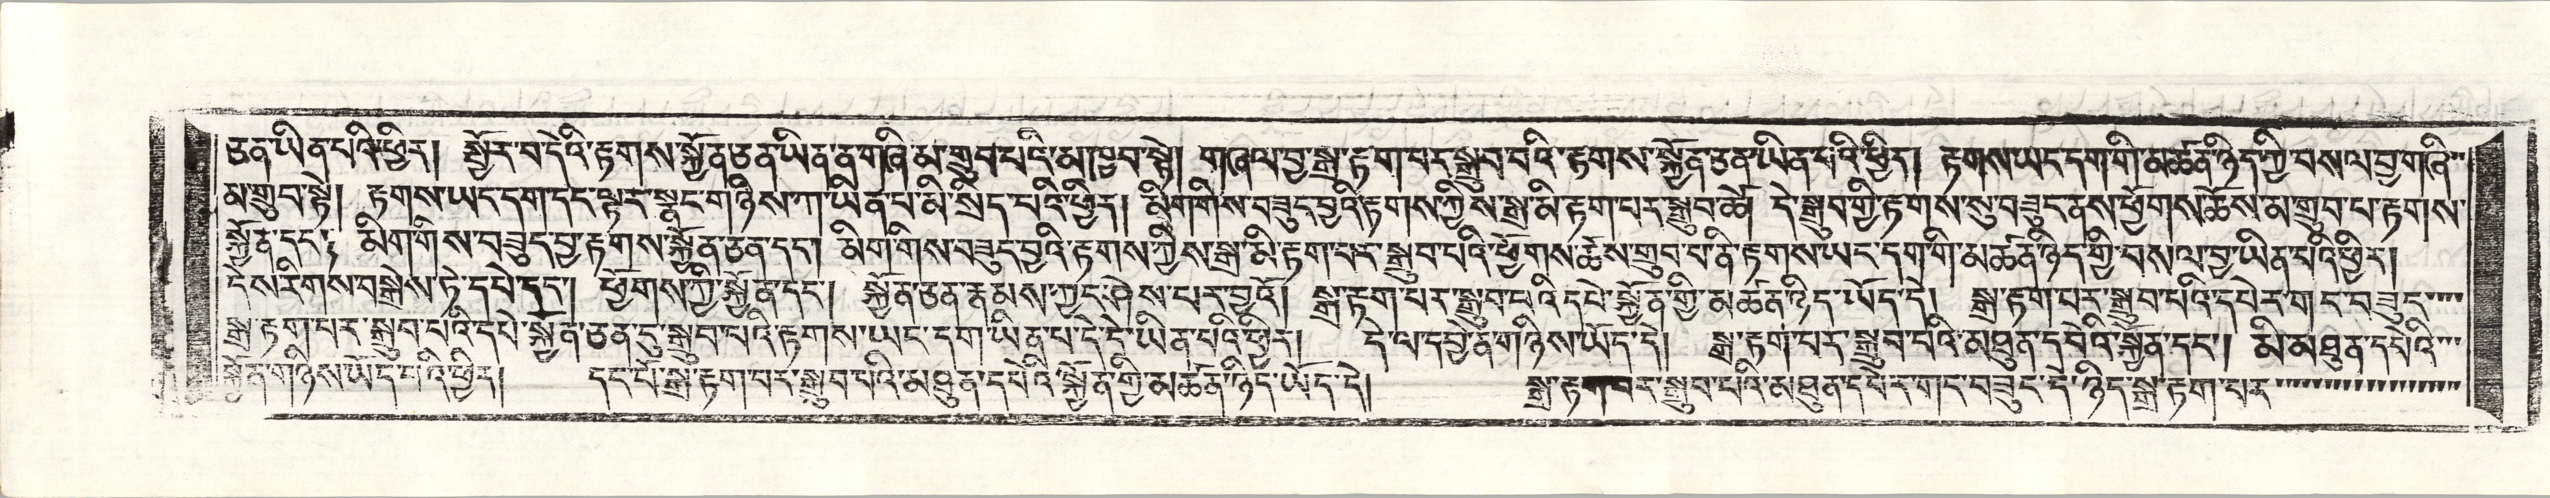ཅན་ཡིན་པའི་ཕྱིར། སྦྱོར་བ་དེའི་རྟགས་སྐྱོན་ཅན་ཡིན་ན་གཞི་མ་གྲུབ་པའི་མ་ཁྱབ་སྟེ། གཞལ་བྱ་སྒྲ་རྟག་པར་སྒྲུབ་པའི་རྟགས་སྐྱོན་ཅན་ཡིན་པའི་ཕྱིར། རྟགས་ཡང་དག་གི་མཚན་ཉིད་ཀྱི་བསལ་བྱ་གཞི་
མ་གྲུབ་སྟེ། རྟགས་ཡང་དག་དང་ལྟར་སྣང་གཉིས་ཀ་ཡིན་པ་མི་སྲིད་པའི་ཕྱིར། མིག་ཤེས་ཀྱི་བཟུང་བྱའི་རྟགས་ཀྱིས་སྒྲ་མི་རྟག་པར་སྒྲུབ་ཚེ། དེ་སྒྲུབ་གྱི་རྟགས་སུ་བཟུང་ནས་ཕྱོགས་ཆོས་མ་གྲུབ་པ་རྟགས་
སྐྱོན་དང་། མིག་ཤེས་ཀྱི་བཟུང་བྱ་རྟགས་སྐྱོན་ཅན་དང་། མིག་ཤེས་ཀྱི་བཟུང་བྱའི་རྟགས་ཀྱིས་སྒྲ་མི་རྟག་པར་སྒྲུབ་པའི་ཕྱོགས་ཆོས་གྲུབ་པ་ནི་རྟགས་ཡང་དག་གི་མཚན་ཉིད་གྱི་བསལ་བྱ་ཡིན་པའི་ཕྱིར།
དེས་རིགས་བསྒྲེས་ཏེ་དཔེ་དང་། ཕྱོགས་ཀྱི་སྐྱོན་དང་། སྐྱོན་ཅན་རྣམས་ཀྱང་ཤེས་པར་བྱའོ། སྒྲ་རྟག་པར་སྒྲུབ་པའི་དཔེ་སྐྱོན་གྱི་མཚན་ཉིད་ཡོད་དེ། སྒྲ་རྟག་པར་སྒྲུབ་པའི་དཔེར་གང་བཟུང་
སྒྲ་རྟག་པར་སྒྲུབ་པའི་དཔེ་སྐྱོན་ཅན་དུ་སྒྲུབ་པའི་རྟགས་ཡང་དག་ཡིན་པ་དེ་དེ་ཡིན་པའི་ཕྱིར། དེ་ལ་དབྱེ་ན་གཉིས་ཡོད་དེ། སྒྲ་རྟག་པར་སྒྲུབ་པའི་མཐུན་དཔེའི་སྐྱོན་དང་། མི་མཐུན་དཔེའི་
སྐྱོན་གཉིས་ཡོད་པའི་ཕྱིར། དང་པོ་སྒྲ་རྟག་པར་སྒྲུབ་པའི་མཐུན་དཔེའི་སྐྱོན་གྱི་མཚན་ཉིད་ཡོད་དེ། སྒྲ་རྟག་པར་སྒྲུབ་པའི་མཐུན་དཔེར་གང་བཟུང་དེ་ཉིད་སྒྲ་རྟག་པར་